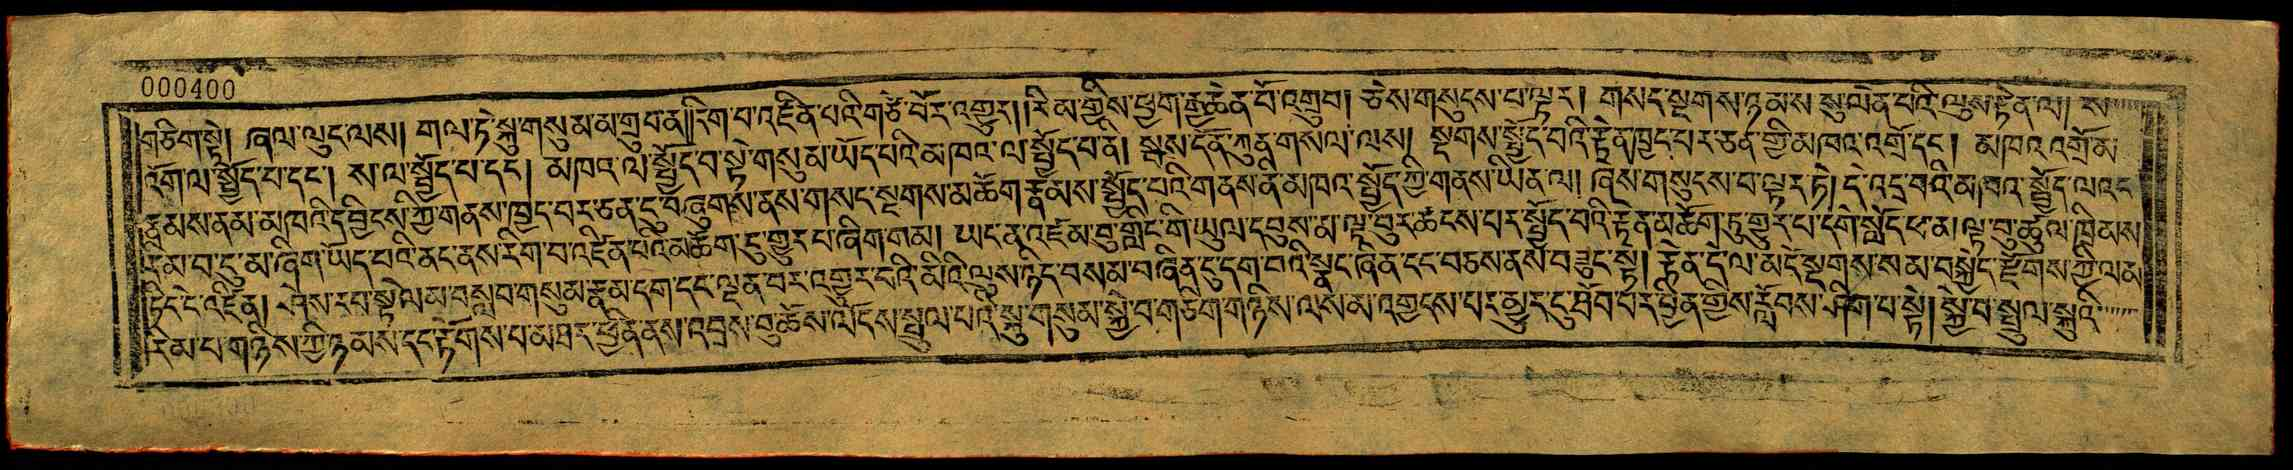གཅིག་སྟེ། ཞལ་ལུང་ལས། གལ་ཏེ་སྐུ་གསུམ་མ་གྲུབ་ན། རིག་པ་འཛིན་པའི་གཙོ་བོར་འགྱུར། །རིམ་གྱིས་ཕྱག་རྒྱ་ཆེན་པོ་འགྲུབ། ཅེས་གསུངས་པ་ལྟར། གསང་སྔགས་ཉམས་སུ་ལེན་པའི་ལུས་རྟེན་ལ། ས་
འོག་ལ་སྤྱོད་པ་དང་། ས་ལ་སྤྱོད་པ་དང་། མཁའ་ལ་སྤྱོད་པ་སྟེ་གསུམ་ཡོད་པའི་མཁའ་ལ་སྤྱོད་པ་ནི། སྦས་དོན་ཀུན་གསལ་ལས། སྔགས་སྤྱོད་པའི་རྟེན་ཁྱད་པར་ཅན་གྱི་མཁའ་འགྲོ་དང་། མཁའ་འགྲོ་མ་
རྣམས་ནམ་མཁའི་དབྱིངས་ཀྱི་གནས་ཁྱད་པར་ཅན་དུ་བཞུགས་ནས་གསངས་སྔགས་མཆོག་རྣམས་སྤྱོད་པའི་གནས་ནི་མཁའ་སྤྱོད་ཀྱི་གནས་ཡིན་ལ། ཞེས་གསུངས་པ་ལྟར་ཏེ། དེ་འདྲ་བའི་མཁའ་སྤྱོད་ལའང་
རིམ་པ་དུ་མ་ཞིག་ཡོད་པའི་ནང་ནས་རིག་པ་འཛིན་པའི་མཆོག་ཏུ་གྱུར་པ་ཞིག་གམ། ཡང་ན་འཛམ་བུ་གླིང་གི་ཡུལ་དབུས་མ་ལྟ་བུར་ཚངས་པར་སྤྱོད་པའི་རྟེན་མཆོག་ཏུ་གྱུར་པ་དགེ་སློང་ཕ་མ་ལྟ་བུ་ཚུལ་ཁྲིམས་
ཏིང་ངེ་འཛིན། ཤེས་རབ་སྟེ་ལམ་བསླབ་གསུམ་རྣམ་དག་དང་ལྡན་པར་འགྱུར་པའི་མིའི་ལུས་ཉིད་བསམ་བཞིན་དུ་དག་པའི་སྣང་ཞེན་དང་བཅས་ནས་བཟུང་སྟེ། རྟེན་དེ་ལ་མདོ་སྔགས་སུམ་བསྐྱེད་རྫོགས་ཀྱི་ལམ་
རིམ་པ་གཉིས་ཀྱི་ཉམས་དང་རྟོགས་པ་མཐར་ཕྱིན་ནས་འབྲས་བུ་ཆོས་ལོངས་སྤྲུལ་བའི་སྐུ་གསུམ་སྐྱེ་བ་གཅིག་གཉིས་ལས་མ་འགྱངས་པར་མྱུར་དུ་ཐོབ་པར་བྱིན་གྱིས་རློབས་ཤིག་པ་སྟེ། སྐྱེ་བ་སྤྲུལ་སྐུའི་